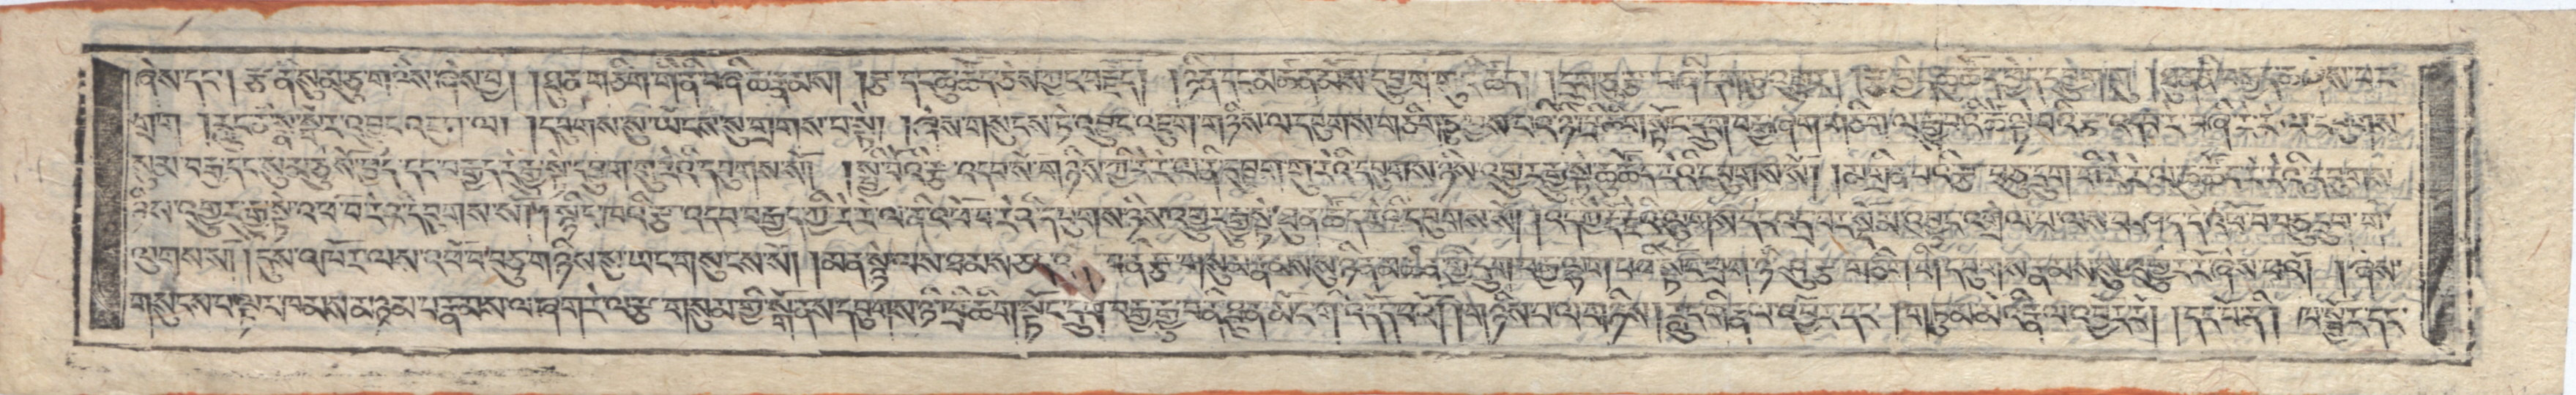ཞེས་དང་། རྩ་ནི་སུམ་ཅུ་གཉིས་ཞེས་བྱ། །ཐུན་གཅིག་གི་ནི་བཞི་ཆ་རྣམས། །རྩ་དང་ཆུ་ཚོད་ཅེས་ཀྱང་བརྗོད། །ཉིན་དང་མཚན་མོས་དབྱུག་གུའི་ཚད། །དྲུག་ཅུ་རྩ་བཞི་དག་ཏུ་འགྱུར། །རྩ་བྱེད་ཆུ་ཚོད་ཕྱེད་དབྱུག་གུ །ཐུན་ནི་བརྒྱད་ཆ་ཞེས་པར་
གྲག །རླུང་ཅི་སྣ་སྒོར་འབྱུང་འཇུག་ལ། །དབུགས་སུ་ཡོངས་སུ་གྲགས་པ་སྟེ། །ཞེས་གསུངས་ཏེ་འབྱུང་འཇུག་གཉིས་ལ་དབུགས་གཅིག་ཏུ་བྱས་པའི་ཉི་ཁྲི་ཆིག་སྟོང་དྲུག་བརྒྱ་ཞག་གཅིག་ལ་རྒྱུ་བའི་ཚེ་ལྟེ་བའི་རྩ་འདབ་རེ་བཞི་རེ་རེ་ལ་དབུགས་
སུམ་བརྒྱ་དང་སུམ་ཅུ་སོ་ཕྱེད་དང་བརྒྱད་རེ་རྒྱུ་སྟེ་དབྱུག་གུ་རེའི་དབུགས་སོ། །སྤྱི་བོའི་རྩ་འདབ་སོ་གཉིས་ཀྱི་རེ་རེ་ལ་ནི་དབྱུག་གུ་རེའི་དབུགས་ཉིས་འགྱུར་རྒྱུ་སྟེ་ཆུ་ཚོད་རེའི་དབུགས་སོ། །མགྲིན་པའི་རྩ་བཅུ་དྲུག་གི་རེ་རེ་ལ་ཆུ་ཚོད་རེ་རེའི་དབུགས་
ཉིས་འགྱུར་རྒྱུ་སྟེ་འཕོ་བ་རེའི་དབུགས་སོ། །སྙིང་ཁའི་རྩ་འདབ་བརྒྱད་ཀྱི་རེ་རེ་ལ་ནི་འཕོ་བ་རེའི་དབུགས་ཉིས་འགྱུར་རྒྱུ་སྟེ་ཐུན་ཚོད་རེའི་དབུགས་སོ། །འདི་ཀྱེ་རྡོ་རྗེའི་ལུགས་དང་འདྲ་བར་སྡོམ་འབྱུང་འགྲེལ་པ་ལས་བཤད་དེ་འཕོ་བ་བཅུ་དྲུག་གི་
ལུགས་སོ། །དུས་འཁོར་ལས་འཕོ་བ་བཅུ་གཉིས་སུ་ཡང་གསུངས་སོ། །མན་སྙེ་ལས་ཐམས་ཅད་འདོད་པ་ནི་རྩ་གསུམ་རྣམས་སུ་ཉིན་མཚན་གྱི་དྲུག་བརྒྱ་ལྷག་པའི་སྟོང་ཕྲག་ཉི་ཤུ་རྩ་གཅིག་གི་དབུགས་རྣམས་སུ་འགྱུར་རོ་ཞེས་པའོ། །ཞེས་
གསུངས་པ་ལྟར་ཁམས་མཉམ་པ་རྣམས་ལ་ཞག་རེ་ལ་རྩ་གསུམ་གྱི་སྒོ་ནས་དབུགས་ཉི་ཁྲི་ཆིག་སྟོང་དྲུག་བརྒྱ་རྒྱུ་བ་ནི་ཐུན་མོང་གི་འདོད་པའོ། །གཉིས་པ་ལ་གཉིས། རླུང་གི་རྣལ་འབྱོར་དང་། གཏུམ་མོའི་རྣལ་འབྱོར་རོ། །དང་པོ་ནི། ཁ་སྦྱོར་དང་